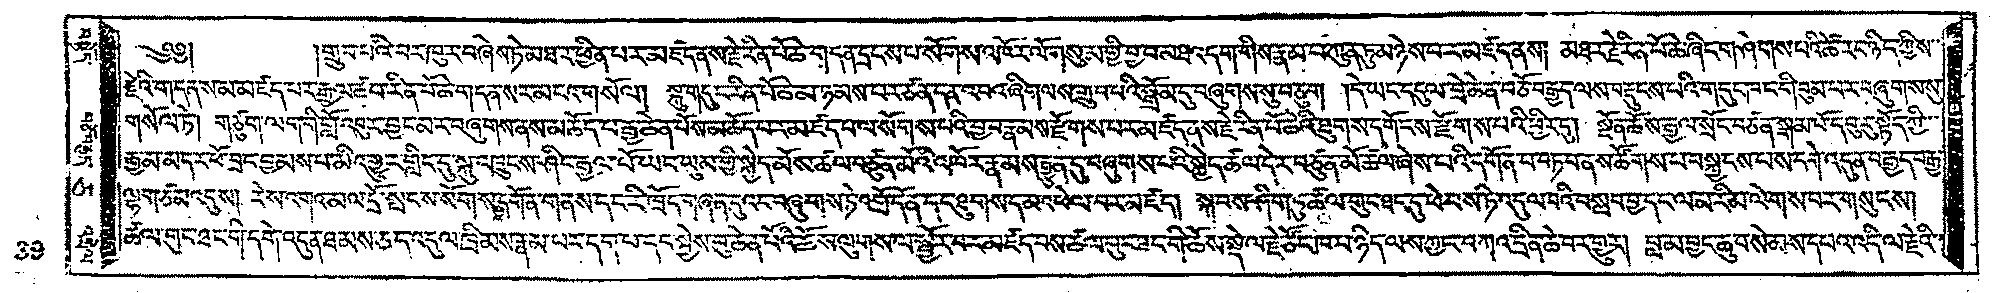༄༅། །གྲུབ་པའི་བར་ཁུར་བཞེས་ཏེ་མཐར་ཕྱིན་པར་མཛད་ནས་རྗེ་རིན་པོ་ཆེ་གདན་དྲངས་པ་སོགས་འཁོར་ལོ་གསུམ་གྱི་བྱ་བ་མཐའ་དག་གིས་རྣམ་པ་ཀུན་ཏུ་མཉེས་པར་མཛད་ནས། མཐར་རྗེ་རིན་པོ་ཆེ་ཞིང་གཤེགས་པའི་ཚེ་རང་ཉིད་ཀྱིས་
རྗེའི་གདན་ས་མ་མཛད་པར་རྒྱལ་ཚབ་རིན་པོ་ཆེ་གདན་སར་མངའ་གསོལ། སྐུ་གདུང་རིན་པོ་ཆེ་མ་ཉམས་པར་ཙན་དན་འབའ་ཞིག་ལས་གྲུབ་པའི་སྒྲོམ་དུ་བཞུགས་སུ་བཅུག །དེ་ཡང་དངུལ་བྲེ་ཆེན་བཅོ་བརྒྱད་ལས་བརྡུངས་པའི་གདུང་ཁང་གི་བུམ་པར་བཞུགས་སུ་
གསོལ་ཏེ། གཙུག་ལག་གི་གློ་འབུར་བྱང་མར་བཞུགས་ནས་མཆོད་པ་རྒྱ་ཆེན་པོས་མཆོད་པར་མཛད་པ་ལ་སོགས་པའི་བྱ་བ་རྣམས་རྫོགས་པར་མཛད་ནས་རྗེ་རིན་པོ་ཆེའི་ཐུགས་དགོངས་རྫོགས་པའི་ཕྱིར་དུ། སྔོན་ཆོས་རྒྱལ་སྲོང་བཙན་སྒམ་པོ་དབུ་རུ་སྟོད་ཀྱི་
རྒྱ་མ་མདར་ཕོ་བྲང་བྱམས་པ་མི་འགྱུར་གླིང་དུ་སྐུ་འཁྲུངས་ཤིང་རྒྱལ་པོ་ཡབ་ཡུམ་གྱི་སྐྱེད་མོས་ཚལ་བཙུན་མོའི་འཁོར་རྣམས་རྒྱུན་དུ་བཞུགས་པའི་སྐྱེད་ཚལ་དེར་བཙུན་མོ་ཚལ་ཞེས་པའི་དགོན་པ་བཏབ་ནས་ཚོགས་པ་བསྐྱངས་པས་དགེ་འདུན་བརྒྱད་བརྒྱ་
ལྷག་ཙམ་འདུས། རེས་འགའ་མལ་དྲོ་སྤངས་སོགས་དགོན་གནས་དང་རི་ཁྲོད་གཞན་དུའང་བཞུགས་ཏེ་འགྲོ་དོན་དང་ཐུགས་དམ་འཕེལ་བར་མཛད། སྐབས་ཤིག་ཏུ་ཚལ་གུང་ཐང་དུ་ཕེབས་ཏེ་འདུལ་བའི་བསླབ་བྱ་དང་ལམ་རིམ་ལེགས་པར་གསུངས།
ཚལ་གུང་ཐང་གི་དགེ་འདུན་ཐམས་ཅད་འདུལ་ཁྲིམས་རྣམ་པར་དག་པ་དང་སྐྱེས་བུ་ཆེན་པོའི་ཆོས་ལུགས་ལ་སྦྱོར་བར་མཛད་པས་ཚལ་བུང་ཐང་གི་ཆོས་སྡེ་ལ་རྗེ་ཙོང་ཁ་པ་ཉིད་ལས་ཀྱང་བཀའ་དྲིན་ཆེ་བར་གྱུར། བླ་མ་བྱང་ཆུབ་སེམས་དཔའ་འདི་ལ་རྗེའི་